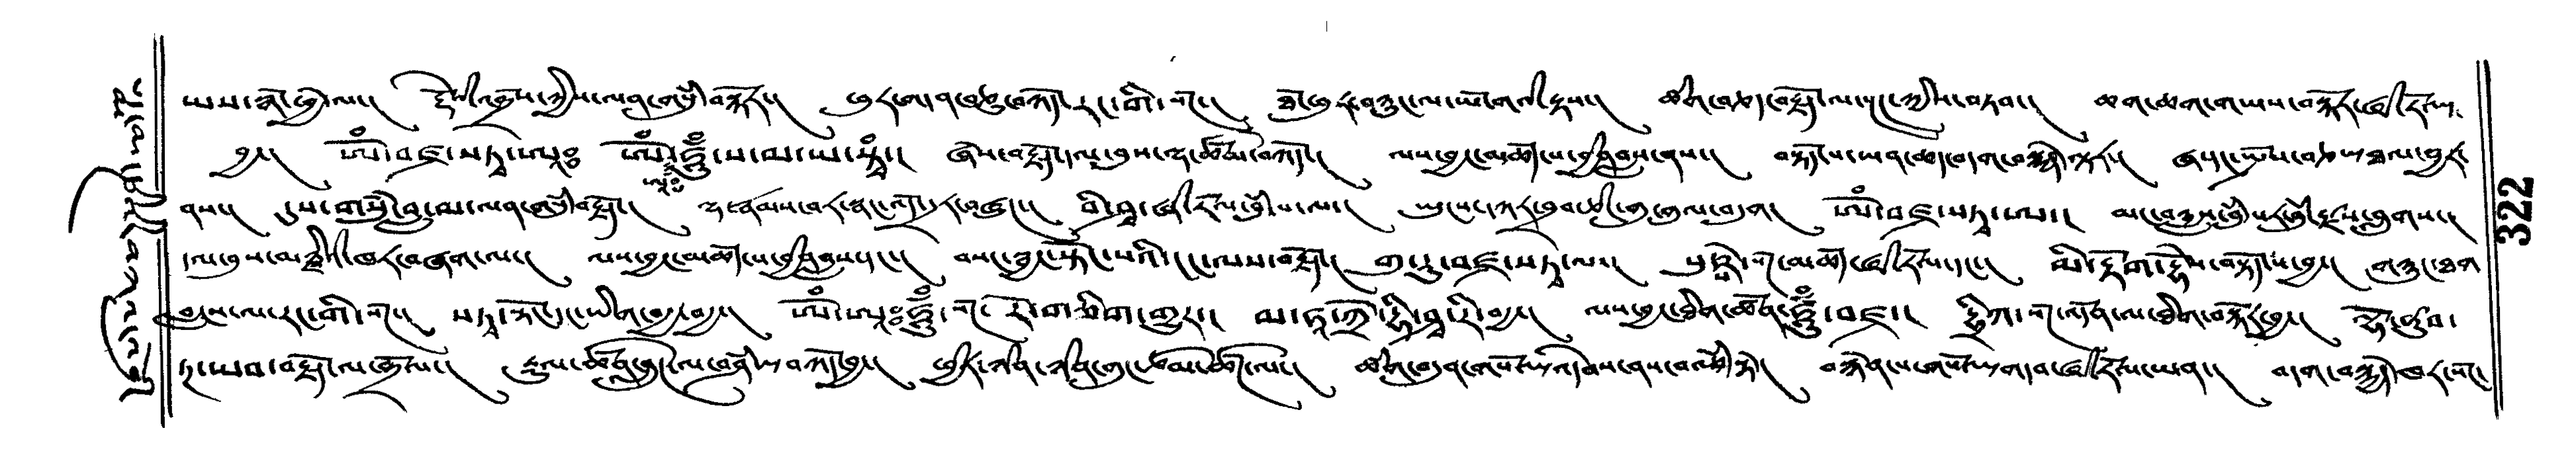ཡ༴ ས་སྒོ་ཕྱེ་ལ། རྡོ་རྗེའི་འགྲོས་ཀྱིས་ལན་གསུམ་བསྐོར། །ཕུར་གདན་བཅུ་བཀོད་རང་གི༴ སོགས། །ཐོ་ཕུར་བཟུང་ལ་ཡོ་གའི་རྟས། །ཚིགས་བཅད་བརྗོད་ལ་སྔགས་ཀྱིས་བཏབ། །ཆག་ཆག་གཡས་བསྐོར་ཞི་རོལ་
བྱ།ཨོཾ་བཛྲ་སཏྭ་ཨཱཿ ཨཽཾ་ཨཱཿཧཱུྃ་ས་མ་སྟྭཾ། ། ཞེས་བརྗོད་དལ་བུས་ལྷ་ཚོམ་བཀོད། །ལས་བྱང་མཆོད་པ་བྱིན་རླབས་ནས། །བསྟོད་པ་ཡན་ཆད་བདག་བསྐྱེད་ལྟར། །ཞྭ་དང་སྤོས་བཅས་ཐལ་བྱར་
ནས། །དུས་གསུམ་བླ་མ༴ ལན་གསུམ་བརྗོད། །ལྷ་རྣམས་བར་སྣང་འོད་དྲྭར་བཞུགས། །བི་ཤྭ་ཞི་རོལ་བུམ་པ་ལ། ། ཡུངས་དཀར་བྲབ་ཅིང་གུ་གུལ་བདུག ཨོཾ་བཛྲ་སཏྭ་ཨཱཿ མང་བཟླས་བུམ་པར་བུམ་རྫས་བླུགས། །
དལ་བུས་མཉྫིའི་ཁར་བཞག་ལ། །ལས་བྱང་མཆོད་པ་བྱིན་རླབས་དང་། །བསང་སྦྱང་སྟོང་པའི་ངང་ལས༴ བརྗོད། །གུ་རུ་བཛྲ་སཏྭ༴ ལ། །པུཥྤེ༴ སོགས་མཆོད་ཞི་རོལ་དང་། །མི་རྟོག་རྡོ་རྗེ༴ ས་བསྟོད་པ་བྱ། །གཟུངས་ཐག་
བླངས་ལ་རང་གི༴ སོགས། སཏྭ༴ སྟོང་དང་ཡིག་བརྒྱ་བརྒྱ། །ཨོཾ་ཨཱཿཧཱུྃ་སོགས་རོ་གཅིག་གྱུར། །མ་ཧཱ་ཀྲོ་དྷི་ཤྭ་རི་བརྒྱ། ། ལས་བྱང་ཐིག་ཚོན་ཧཱུྃ་བཛྲ། །ཧྲིཀ༴ སོགས་འདོན་ལ་ཐིག་བསྐོར་བྱ། ལྷོ་ནུབ་
རྔ་ཡབ༴ བརྗོད་ལ་གྲོལ། །རྡུལ་ཚོན་བླུགས་ལ་བཤམས་བཀོད་བྱ། །ཕྱིར་ཉིན་ཉིན་གུང་ཙམ་ཚོགས་ལ། །ཚིག་བདུན་གསོལ་འདེབས་ནས་བརྩམ་སྟེ། །བསྙེན་པ་གསོལ་གདབ་ཞི་རོལ་ཡན། །བདག་བསྐྱེད་ཁ་སང་